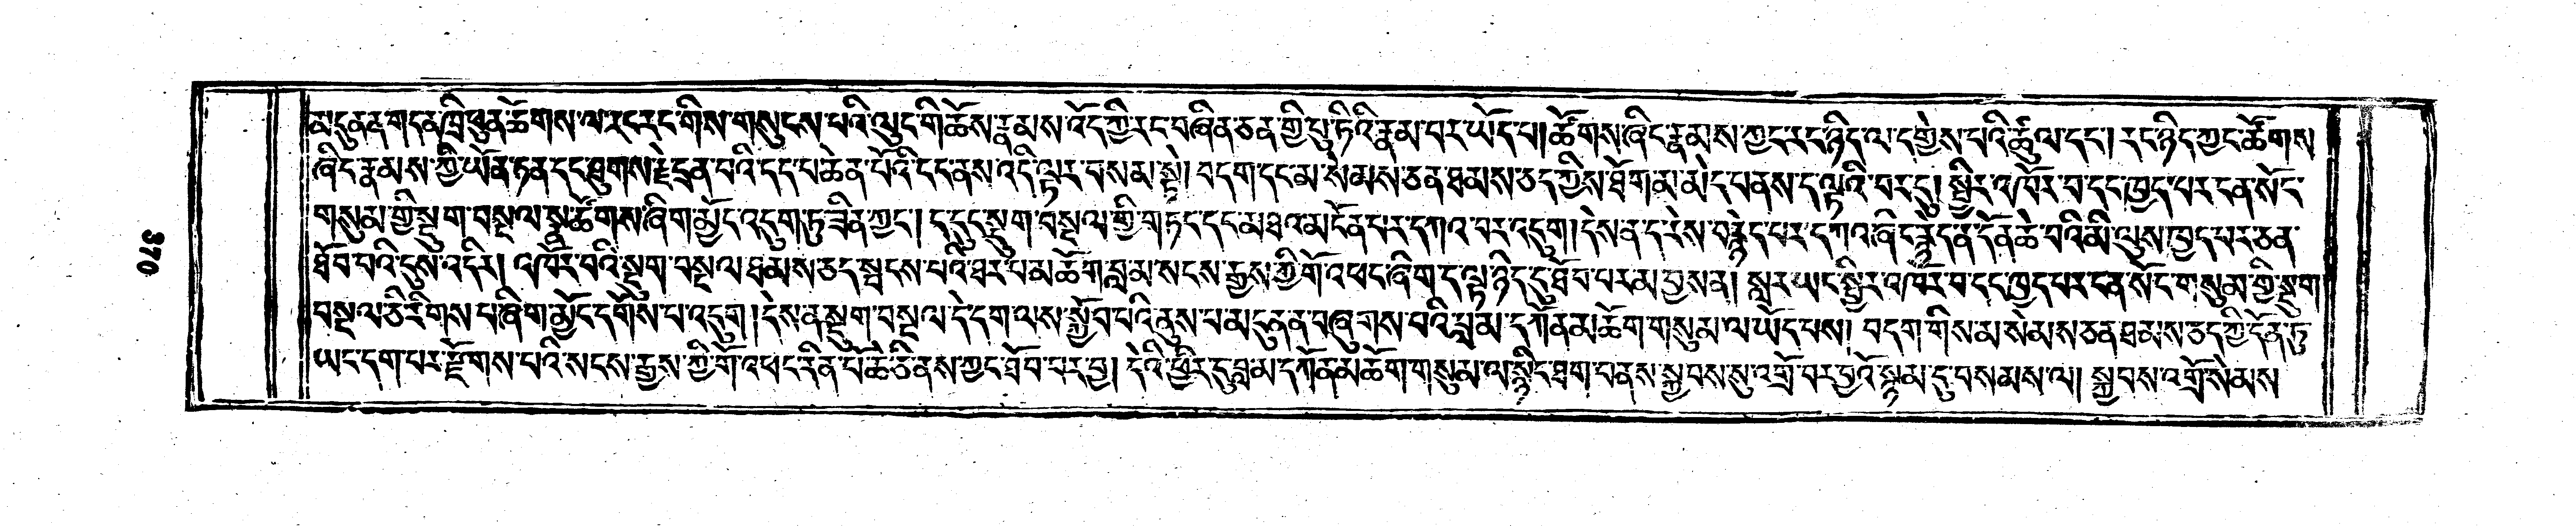མདུན་ན་གང་ན་ཁྲི་ཕུན་ཚོགས་ལ་རང་རང་གིས་གསུངས་པའི་ལུང་གི་ཆོས་རྣམས་འོད་ཀྱི་རང་བཞིན་ཅན་གྱི་པུ་ཏིའི་རྣམ་པར་ཡོད་པ། ཚོགས་ཞིང་རྣམས་ཀྱང་རང་ཉིད་ལ་དགྱེས་པའི་ཚུལ་དང་། རང་ཉིད་ཀྱང་ཚོགས་
ཞིང་རྣམས་ཀྱི་ཡོན་ཏན་དང་ཐུགས་རྗེ་དྲན་པའི་དད་པ་ཆེན་པོའི་ངང་ནས་འདི་ལྟར་བསམ་སྟེ། བདག་དང་མ་སེམས་ཅན་ཐམས་ཅད་ཀྱིས་ཐོག་མ་མེད་པ་ནས་ད་ལྟའི་བར་དུ། སྤྱིར་འཁོར་བ་དང་ཁྱད་པར་ངན་སོང་
གསུམ་གྱི་སྡུག་བསྔལ་སྣ་ཚོགས་ཞིག་མྱོང་འདུག་ཏུ་ཟིན་ཀྱང་། ད་དུང་སྡུག་བསྔལ་གྱི་གཏིང་དང་མཐའ་མངོན་པར་དཀའ་བར་འདུག །དེས་ན་ད་རེས་བརྙེད་པར་དཀའ་ཞིང་རྙེད་ན་དོན་ཆེ་བའི་མི་ལུས་ཁྱད་པར་ཅན་
ཐོབ་པའི་དུས་འདིར། འཁོར་བའི་སྡུག་བསྔལ་ཐམས་ཅད་སྤངས་པའི་ཐར་པ་མཆོག་བླ་མ་སངས་རྒྱས་ཀྱི་གོ་འཕང་ཞིག་ད་ལྟ་ཉིད་དུ་ཐོབ་པར་མ་བྱས་ན། སླར་ཡང་སྤྱིར་འཁོར་བ་དང་ཁྱད་པར་ངན་སོང་གསུམ་གྱི་སྡུག་
བསྔལ་ཅི་རིགས་པ་ཞིག་མྱོང་དགོས་པ་འདུག །དེས་ན་སྡུག་བསྔལ་དེ་དག་ལས་སྐྱོབ་པའི་ནུས་པ་མདུན་ན་བཞུགས་པའི་བླ་མ་དཀོན་མཆོག་གསུམ་ལ་ཡོད་པས། བདག་གིས་མ་སེམས་ཅན་ཐམས་ཅད་ཀྱི་དོན་དུ་
ཡང་དག་པར་རྫོགས་པའི་སངས་རྒྱས་ཀྱི་གོ་འཕང་རིན་པོ་ཆེ་ཅི་ནས་ཀྱང་ཐོབ་པར་བྱ། དེའི་ཕྱིར་དུ་བླ་མ་དཀོན་མཆོག་གསུམ་ལ་སྙིང་ཐག་པ་ནས་སྐྱབས་སུ་འགྲོ་བར་བྱའོ་སྙམ་དུ་བསམས་ལ། སྐྱབས་འགྲོ་སེམས་